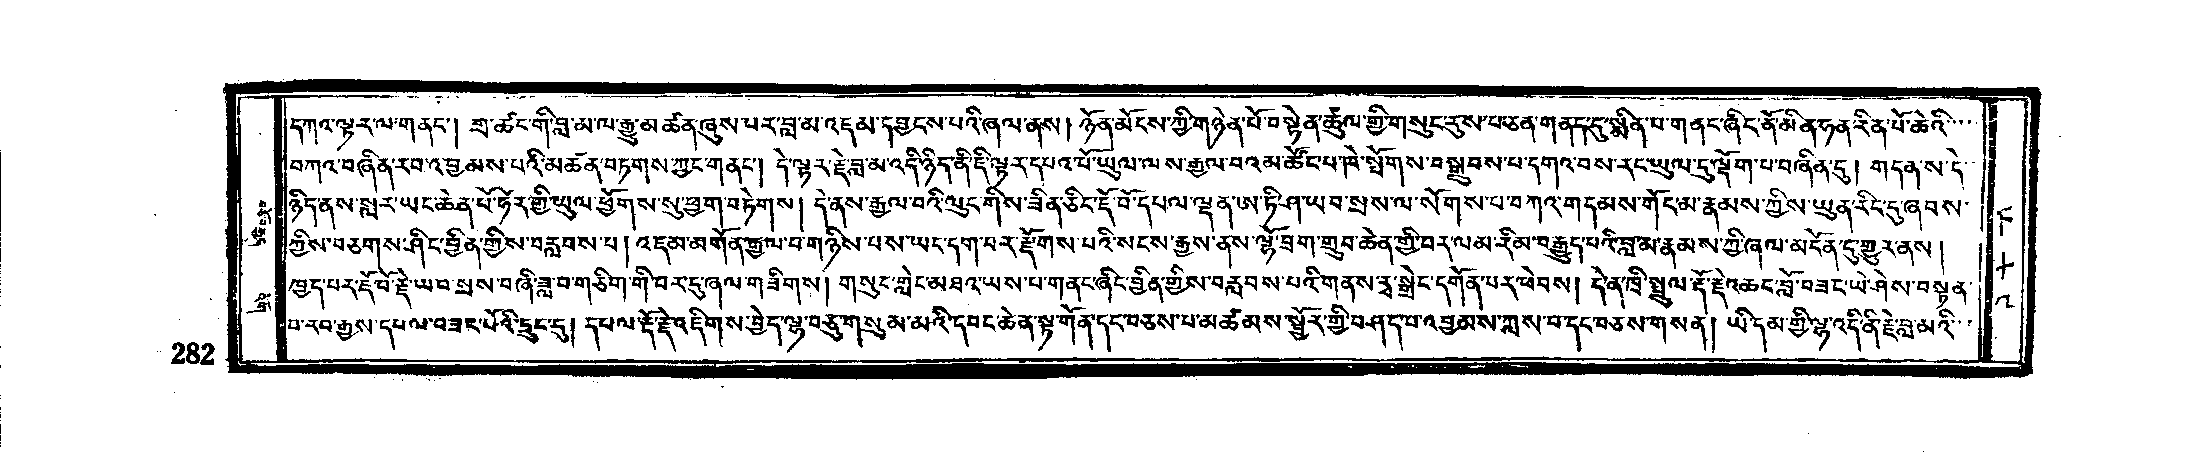དཀའ་ལྟར་ལ་གནང་། གྲ་ཚང་གི་བླ་མ་ལ་རྒྱུ་མཚན་ཞུས་པར་བླ་མ་འཇམ་དབྱངས་པའི་ཞལ་ནས། ཉོན་མོངས་ཀྱི་གཉེན་པོ་བསྟེན་ཚུལ་གྱི་གསུང་རུས་པ་ཅན་གནད་དུ་སྨིན་པ་གནང་ཞིང་ནོ་མིན་ཧན་རིན་པོ་ཆེའི་
བཀའ་བཞིན་རབ་འབྱམས་པའི་མཚན་བཏགས་ཀྱང་གནང་། དེ་ལྟར་རྗེ་བླ་མ་འདི་ཉིད་ནི་ཇི་ལྟར་དཔའ་པོ་ཡུལ་ལས་རྒྱལ་བའམ་ཚོང་པ་ཁེ་སྤོགས་བསྒྲུབས་པ་དགའ་བས་རང་ཡུལ་དུ་ལྡོག་པ་བཞིན་དུ། གདན་ས་དེ་
ཉིད་ནས་སླར་ཡང་ཆེན་པོ་ཧོར་གྱི་ཡུལ་ཕྱོགས་སུ་ཕྱག་བཏེགས། དེ་ནས་རྒྱལ་བའི་ལུང་གིས་ཟིན་ཅིང་ཇོ་བོ་དཔལ་ལྡན་ཨ་ཏི་ཤ་ཡབ་སྲས་ལ་སོགས་པ་བཀའ་གདམས་གོང་མ་རྣམས་ཀྱིས་ཡུན་རིང་དུ་ཞབས་
ཀྱིས་བཅགས་ཤིང་བྱིན་གྱིས་བརླབས་པ། འཇམ་མགོན་རྒྱལ་བ་གཉིས་པས་ཡང་དག་པར་རྫོགས་པའི་སངས་རྒྱས་ནས་ལྷོ་བྲག་གྲུབ་ཆེན་གྱི་བར་ལམ་རིམ་བརྒྱུད་པའི་བླ་མ་རྣམས་ཀྱི་ཞལ་མངོན་དུ་གྱུར་ནས།
ཁྱད་པར་ཇོ་བོ་རྗེ་ཡབ་སྲས་བཞི་ཟླ་བ་གཅིག་གི་བར་དུ་ཞལ་གཟིགས། གསུང་གླེང་མཐའ་ཡས་པ་གནང་ཞིང་བྱིན་གྱིས་བརླབས་པའི་གནས་རྭ་སྒྲེང་དགོན་པར་ཕེབས། དེ་ན་ཁྲི་སྤྲུལ་རྡོ་རྗེ་འཆང་བློ་བཟང་ཡེ་ཤེས་བསྟན་
བ་རབ་རྒྱས་དཔལ་བཟང་པོའི་དྲུང་དུ། དཔལ་རྡོ་རྗེ་འཇིགས་བྱེད་ལྷ་བཅུ་གསུམ་མའི་དབང་ཆེན་སྟ་གོན་དང་བཅས་པ་མཚམས་སྦྱོར་གྱི་བཤད་པ་འབྱམས་ཀླས་པ་དང་བཅས་གསན། ཡི་དམ་གྱི་ལྷ་འདི་ནི་རྗེ་བླ་མའི་